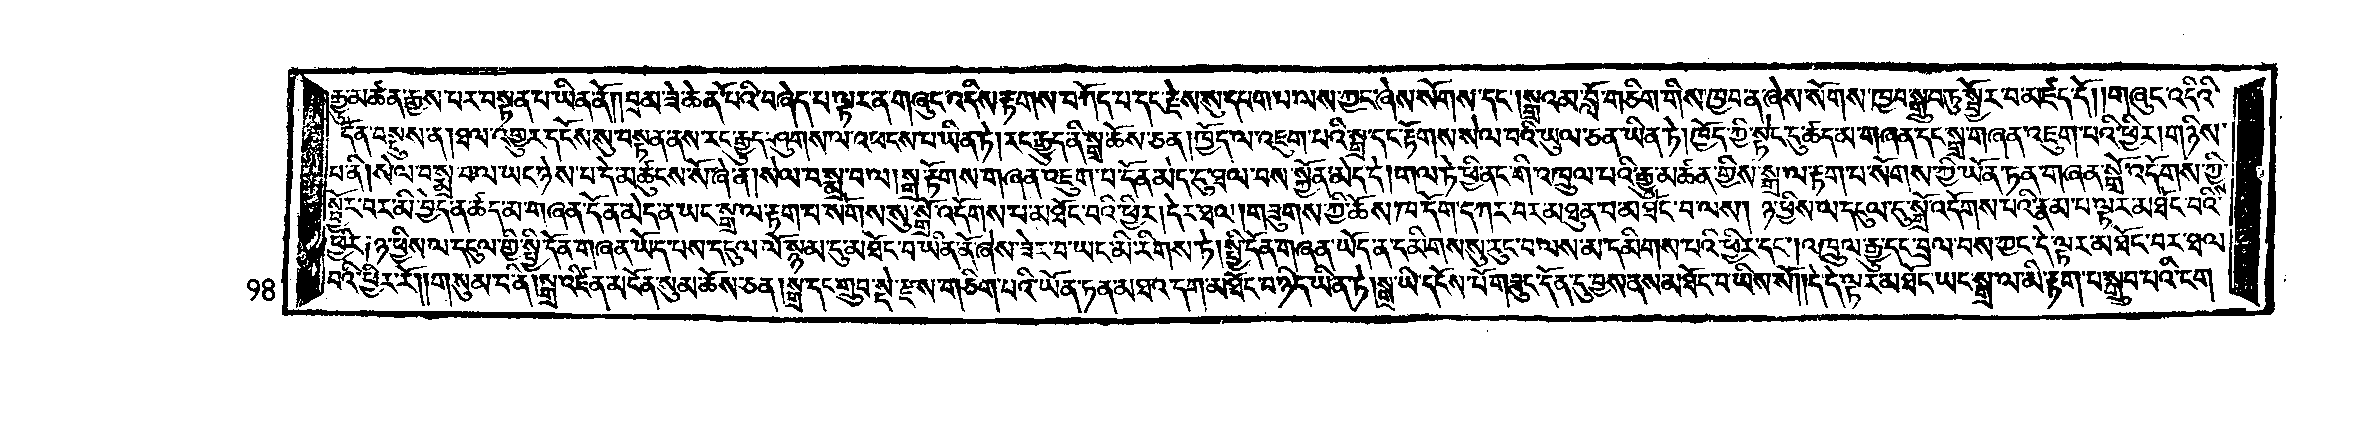རྒྱུ་མཚན་རྒྱས་པར་བསྟན་པ་ཡིན་ནོ། །བྲམ་ཟེ་ཆེན་པོའི་བཞེད་པ་ལྟར་ན་གཞུང་འདིས་རྟགས་བཀོད་པ་དང་རྗེས་སུ་དཔག་པ་ལས་ཀྱང་ཞེས་སོགས་དང་། སྒྲའམ་བློ་གཅིག་གིས་ཁྱབ་ན་ཞེས་སོགས་ཁྱབ་སྒྲུབ་ཏུ་སྦྱོར་བ་མཛད་དོ། །གཞུང་འདིའི་
དོན་བསྡུས་ན། ཐལ་འགྱུར་དངོས་སུ་བསྟན་ནས་རང་རྒྱུད་ཤུགས་ལ་འཕངས་པ་ཡིན་ཏེ། རང་རྒྱུད་ནི་སྒྲ་ཆོས་ཅན། ཁྱོད་ལ་འཇུག་པའི་སྒྲ་དང་རྟོགས་སེལ་བའི་ཡུལ་ཅན་ཡིན་ཏེ། ཁྱོད་ཀྱི་སྟེང་དུ་ཚད་མ་གཞན་དང་སྒྲ་གཞན་འཇུག་པའི་ཕྱིར། གཉིས་
པ་ནི། སེལ་བ་སྨྲ་བ་ལ་ཡང་ཉེས་པ་དེ་མཚུངས་སོ་ཞེ་ན། སེལ་བ་སྨྲ་བ་ལ། སྒྲ་རྟོགས་གཞན་འཇུག་པ་དོན་མེད་དུ་ཐལ་བས་སྐྱོན་མེད་དེ། གལ་ཏེ་ཕྱི་ནང་གི་འཁྲུལ་པའི་རྒྱུ་མཚན་གྱིས་སྒྲ་ལ་རྟག་པ་སོགས་ཀྱི་ཡོན་ཏན་གཞན་སྒྲོ་འདོགས་ཀྱིས་
སྦྱོར་བར་མི་བྱེད་ན་ཚད་མ་གཞན་དོན་མེད་ན་ཡང་སྒྲ་ལ་རྟག་པ་སོགས་སུ་སྒྲོ་འདོགས་པ་མཐོང་བའི་ཕྱིར། དེར་ཐལ། གཟུགས་ཀྱི་ཆོས་ཁ་དོག་དཀར་བར་མཐུན་པ་མཐོང་བ་ལས། ཉ་ཕྱིས་ལ་དངུལ་དུ་སྒྲོ་འདོགས་པའི་རྣམ་པ་ལྟར་མཐོང་བའི་
ཕྱིར། ཉ་ཕྱིས་ལ་དངུལ་གྱི་སྤྱི་དོན་གཞན་ཡོད་པས་དངུལ་ལོ་སྙམ་དུ་མཐོང་བ་ཡིན་ནོ་ཞེས་ཟེར་བ་ཡང་མི་རིགས་ཏེ། སྤྱི་དོན་གཞན་ཡོད་ན་དམིགས་སུ་རུང་བ་ལས་མ་དམིགས་པའི་ཕྱིར་དང་། འཁྲུལ་རྒྱུ་དང་བྲལ་བས་ཀྱང་དེ་ལྟར་མཐོང་བར་ཐལ་
བའི་ཕྱིར་རོ། །གསུམ་པ་ནི། སྒྲ་འཛིན་མངོན་སུམ་ཆོས་ཅན། སྒྲ་དང་གྲུབ་སྡེ་རྫས་གཅིག་པའི་ཡོན་ཏན་མཐའ་དག་མཐོང་བ་ཉིད་ཡིན་ཏེ། སྒྲ་ཡི་དངོས་པོ་གཟུང་དོན་དུ་བྱས་ནས་མཐོང་བ་ཡིས་སོ། །དེ་དེ་ལྟར་མཐོང་ཡང་སྒྲ་ལ་མི་རྟག་པ་སྒྲུབ་པའི་ངག་